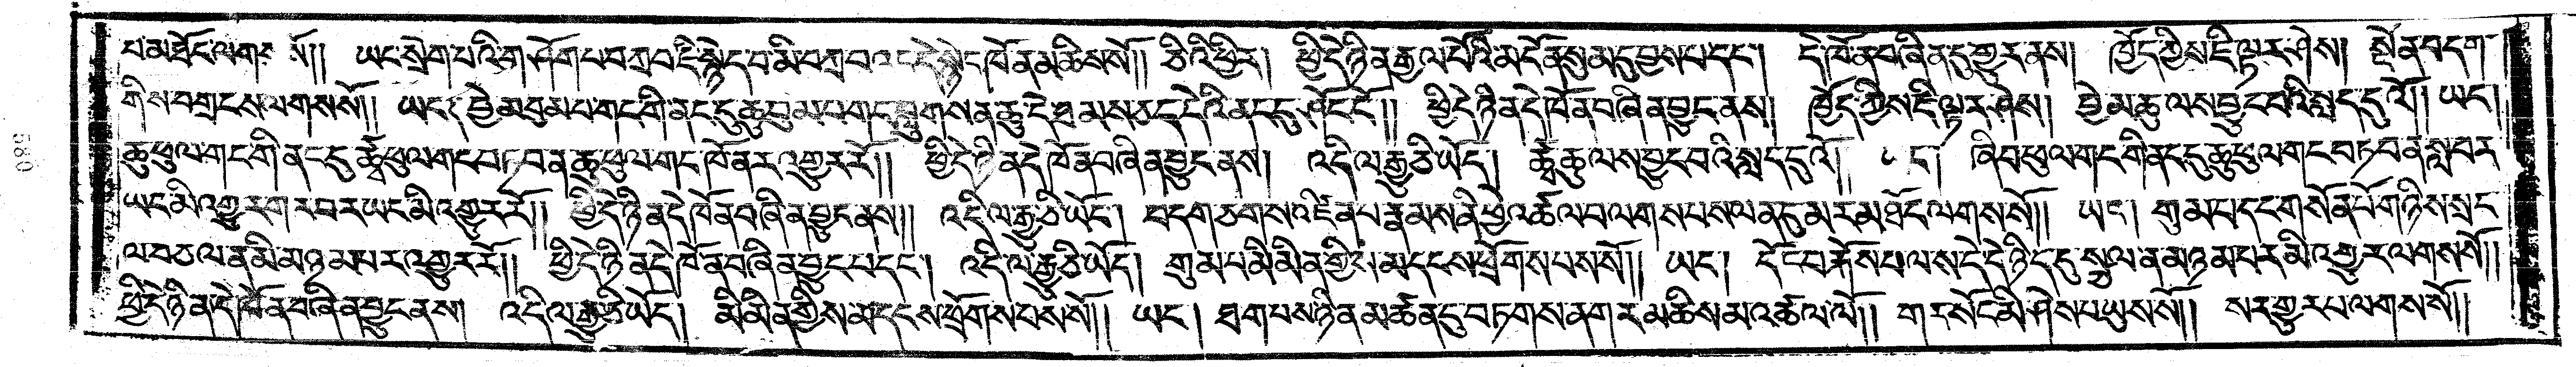པ་མཐོང་ལགས་སོ།། ཡང་སྲེག་པའི་གཤོག་པ་བཀྲབ་ཇི་སྙེད་པ་མི་བཀྲ་བའང་དེ་སྙེད་ཁོ་ན་མཆིས་སོ།། ཅིའི་ཕྱིར། ཕྱི་དེ་ཉིན་རྒྱལ་པོའི་མངོན་སུམ་དུ་བྱས་པ་དང་། དེ་ཁོ་ན་བཞིན་དུ་གྱུར་ནས། ཁྱོད་ཀྱིས་ཇི་ལྟར་ཤེས། སྔོན་བདག་
གིས་བགྲངས་ལགས་སོ།། ཡང༑ བྱེ་མ་བུམ་པ་གང་གི་ནང་དུ་ཆུ་བུམ་པ་གང་བླུགས་ན་ཆུ་དེ་ཐམས་ཅད་དེའི་ནང་དུ་ཤོང་ངོ།། ཕྱི་དེ་ཉིན་དེ་ཁོ་ན་བཞིན་བྱུང་ནས། ཁྱོད་ཀྱིས་ཇི་ལྟར་ཤེས། བྱེ་མ་ཆུ་ལས་བྱུང་བའི་སླད་དུའོ།། ཡང་།
ཆུ་ཕུལ་གང་གི་ནང་དུ་ཚྭ་ཕུལ་གང་བཏབ་ན་ཆུ་ཕུལ་གང་ཁོ་ནར་འགྱུར་རོ།། ཕྱི་དེ་ཉིན་དེ་ཁོ་ན་བཞིན་བྱུང་ནས། འདི་ལ་རྒྱུ་ཅི་ཡོད། ཚྭ་ཆུ་ལས་བྱུང་བའི་སླད་དུའོ།། ཡང༑ ཞིབ་ཕུལ་གང་གི་ནང་དུ་ཆུ་ཕུལ་གང་བཏབ་ན་སླ་བར་
ཡང་མི་འགྱུར་གར་བར་ཡང་མི་འགྱུར་རོ།། ཕྱི་དེ་ཉིན་དེ་ཁོ་ན་བཞིན་བྱུང་ནས།། འདི་ལ་རྒྱུ་ཅི་ཡོད། བདག་ཅག་ས་འཛིན་པ་རྣམས་ནི་ཕྱེ་འཚལ་བ་ལགས་པས་ལན་དུ་མར་མཐོང་ལགས་སོ།། ཡང་། གུམ་པ་དང་གསོན་པོ་གཉིས་སྲང་
ལ་བཅལ་ན་མི་མཉམ་པར་འགྱུར་རོ།། ཕྱི་དེ་ཉིན་དེ་ཁོ་ན་བཞིན་བྱུང་པ་དང་། འདི་ལ་རྒྱུ་ཅི་ཡོད། གུམ་པ་མི་མིན་གྱིས་མདངས་ཕྲོགས་པས་སོ།། ཡང་། དོང་བརྐོས་པ་ལ་ས་དེ་དེ་ཉིད་དུ་སྩལ་ན་མཉམ་པར་མི་འགྱུར་ལགས་སོ།།
ཕྱི་དེ་ཉིན་དེ་ཁོ་ན་བཞིན་བྱུང་ནས། འདི་ལ་རྒྱུ་ཅི་ཡོད། མི་ཀྨིན་གྱིས་མདངས་ཕྲོགས་པས་སོ།། ཡང་། ཐག་པས་ཉིན་མཚན་དུ་བཏགས་ན་གར་མཆིས་མ་འཚལ་ལོ།། གར་སོང་མི་ཤེས་པ་ཡུས་སོ།། སར་གྱུར་པ་ལགས་སོ།།